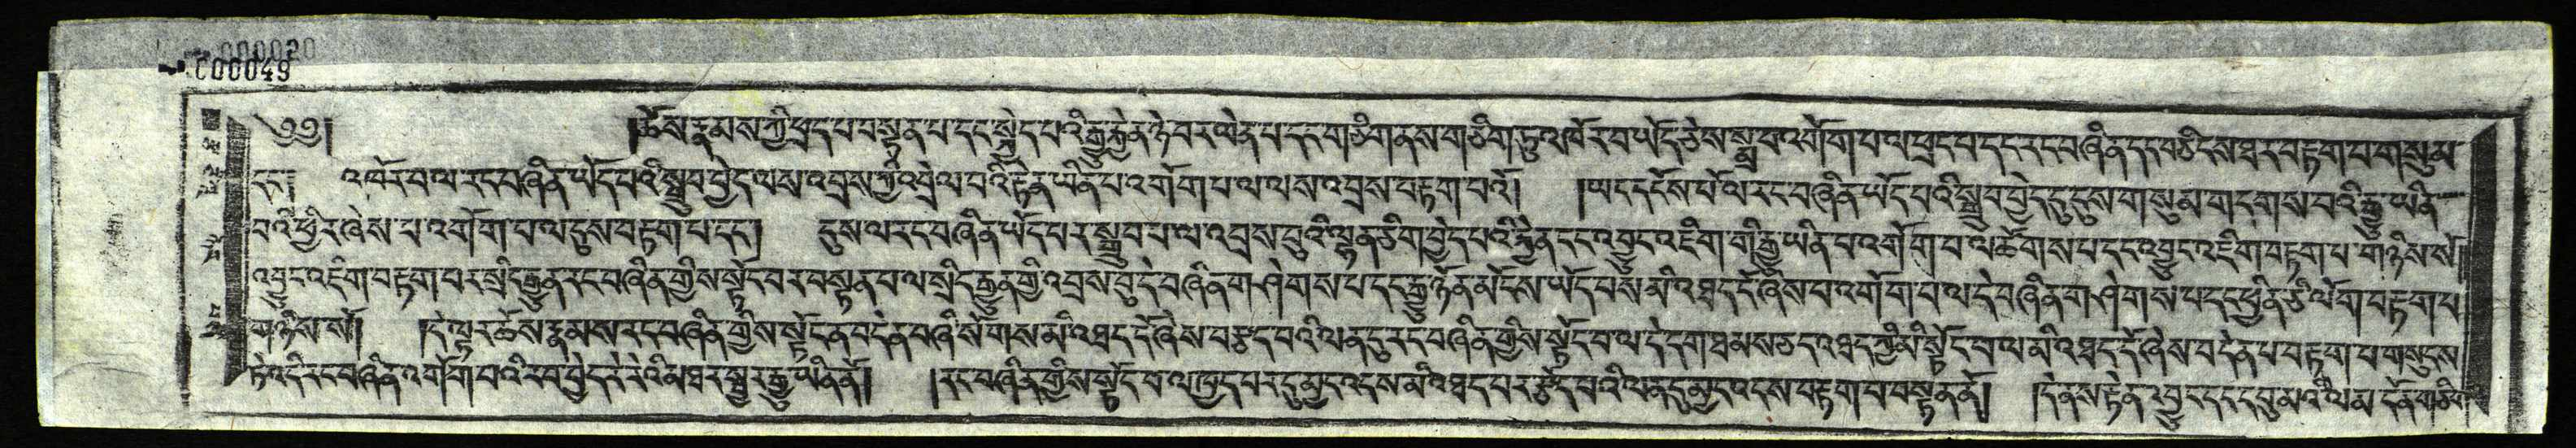༄༅། །ཆོས་རྣམས་ཀྱི་ཕྲད་པ་བསྟན་པ་དང་སྐྱེད་པའི་རྒྱུ་རྐྱེན་ཉེ་བར་ལེན་པ་དང་གཅིག་ནས་གཅིག་ཏུ་འཁོར་བ་ཡོད་ཅེས་སྨྲ་བ་འགོག་པ་ལ་ཕྲང་བ་དང་རང་བཞིན་དང་བཅིངས་ཐར་བརྟག་པ་གསུམ་
དང༑ འཁོར་བ་ལ་རང་བཞིན་ཡོད་པའི་སྒྲུབ་བྱེད་ལས་འབྲས་ཀྱི་འབྲེལ་བའི་རྟེན་ཡིན་པ་འགོག་པ་ལ་ལས་འབྲས་བརྟག་པའོ། །ཡང་དངོས་པོ་ལ་རང་བཞིན་ཡོད་པའི་སྒྲུབ་བྱེད་དུ་དུས་གསུམ་གདགས་པའི་རྒྱུ་ཡིན་
པའི་ཕྱིར་ཞེས་པ་འགོག་པ་ལ་དུས་བརྟག་པ་དང་། དུས་ལ་རང་བཞིན་ཡོད་པར་སྒྲུབ་པ་ལ་འབྲས་བུའི་ལྷན་ཅིག་བྱེད་པའི་རྐྱེན་དང་འབྱུང་འཇིག་གི་རྒྱུ་ཡིན་པ་འགོག་པ་ལ་ཚོགས་པ་དང་འབྱུང་འཇིག་བརྟག་པ་གཉིས་སོ།
འབྱུང་འཇིག་བརྟག་པར་སྲིད་རྒྱུན་རང་བཞིན་གྱིས་སྟོང་བར་བསྟན་པ་ལ་སྲིད་རྒྱུན་གྱི་འབྲས་བུ་དེ་བཞིན་གཤེགས་པ་དང་རྒྱུ་ཉོན་མོངས་ཡོད་པས་མི་འཐད་དོ་ཞེས་པ་འགོག་པ་ལ་དེ་བཞིན་གཤེགས་པ་དང་ཕྱིན་ཅི་ལོག་བརྟག་པ་
གཉིས་སོ། །དེ་ལྟར་ཆོས་རྣམས་རང་བཞིན་གྱིས་སྟོང་ན་བདེན་བཞི་སོགས་མི་འཐད་དོ་ཞེས་བརྩད་བའི་ལན་དུ་རང་བཞིན་གྱིས་སྟོང་བ་ལ་དེ་དག་ཐམས་ཅད་འཐད་ཀྱི་མི་སྟོང་བ་ལ་མི་འཐད་དོ་ཞེས་བདེན་པ་བརྟག་པ་གསུངས་
ཏེ་འདི་རང་བཞིན་འགོག་པའི་རབ་བྱེད་རེ་རེའི་མཐར་སྦྱར་རྒྱུ་ཡིན་ནོ། །རང་བཞིན་གྱིས་སྟོང་བ་ལ་ཁྱད་པར་དུ་མྱང་འདས་མི་འཐད་པར་རྩོད་པའི་ལན་དུ་མྱང་འདས་བརྟག་པ་བསྟན་ནོ། །དེ་ནས་རྟེན་འབྱུང་དང་དབུ་མའི་ལམ་དོན་གཅིག་